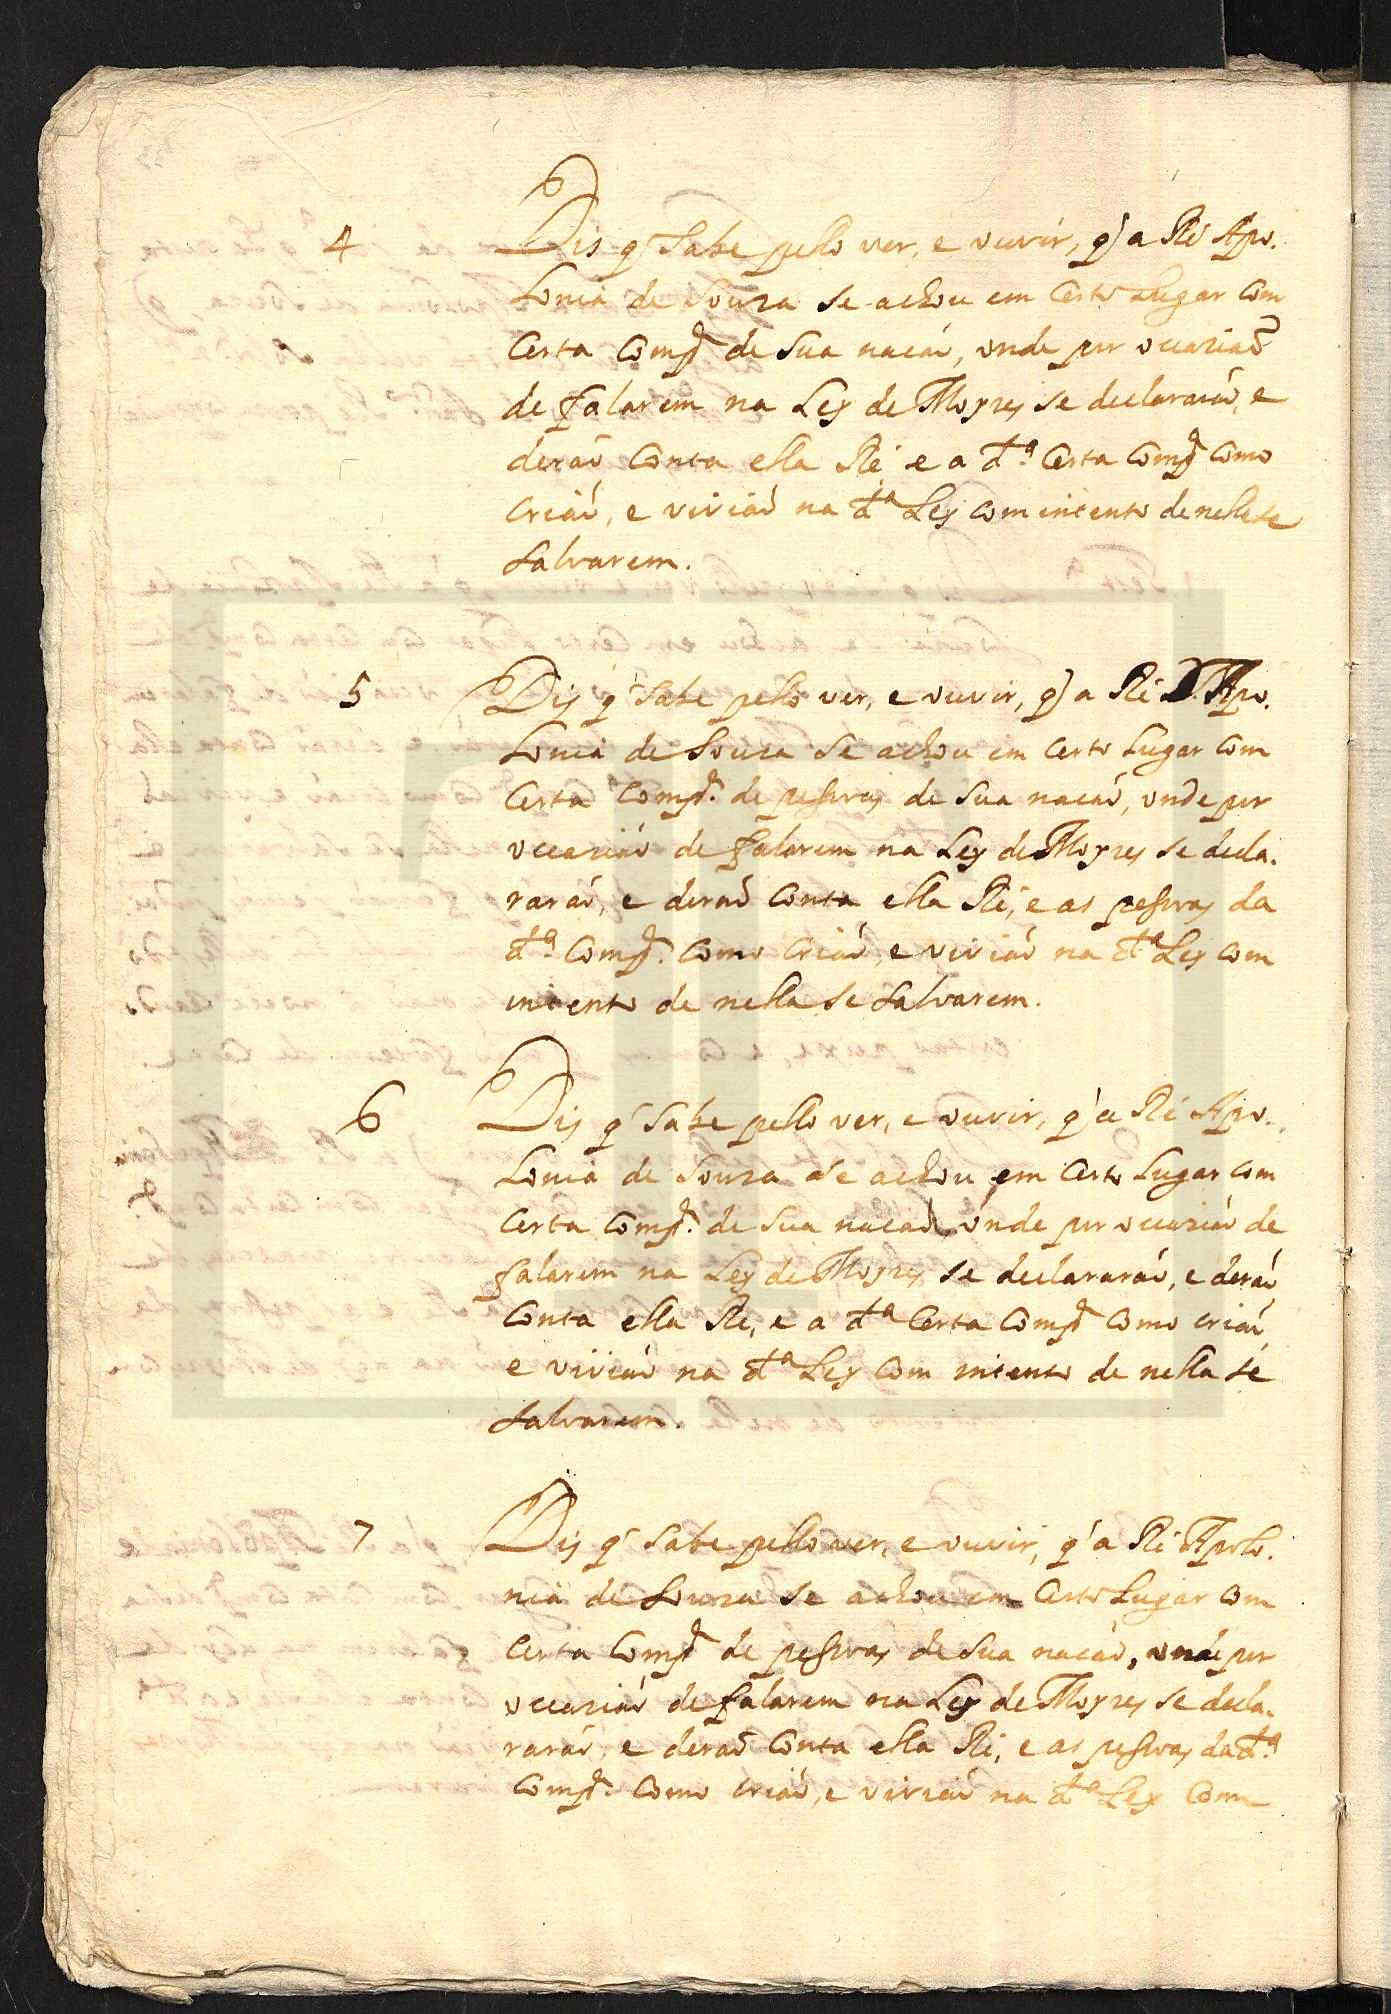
4
Dis q̄ sabe pelo ver e ouvir, q̄ a Ré Apo
Lonia de souza se achou em certo Lugar com
certa compa de sua naçaõ, onde por occaziaõ
de falarem na Ley de Moyzes se declararaõ, e
deraõ conta ella Ré e a d̄.a certa compa como
criaõ, e viviaõ na d̄a Ley com intento de nella se
salvarem.
Dis q̄ sabe pelo ver, e ouvir, q̄ a Ré _ Apo
Lonia de Souza se achou em certo Lugar com
certa comp.a de pessoaas de sua naçaõ, onde por
occaziaõ de falarem na Ley de Moyzes se decla
raraõ, e deraõ conta ella Ré, e as pessoas da
d̄.a comp.a como criaõ, e viviaõ na d̄.a Ley com
intento de nella se salvarem.
Dis q̄ sabe pello ver, e ouvir, q̄ a Ré Apo
Lonia de souza se achou em certo Lugar com
certa comp.a de sua naçaõ onde por occaziaõ de
falarem na Ley de Moyzes se declararaõ, e deraõ
conta ella Re, e a d̄a certa Compa como criaõ,
e viviaõ na d̄a Ley com intento de nella se
salvarem.
Dis q̄ sabe pello ver, e ouvir, q̄ a Ré Apolo
nia de souza se achou em certo Lugar com
certa compa de pessoas de sua naçaõ, onde por
occaziaõ de falarem na Ley de Moyzes se decla
raraõ, e deraõ conta ella Ré, e as pessoas da d̄.a
comp.a como criaõ, e viviaõ na d̄a Ley com
